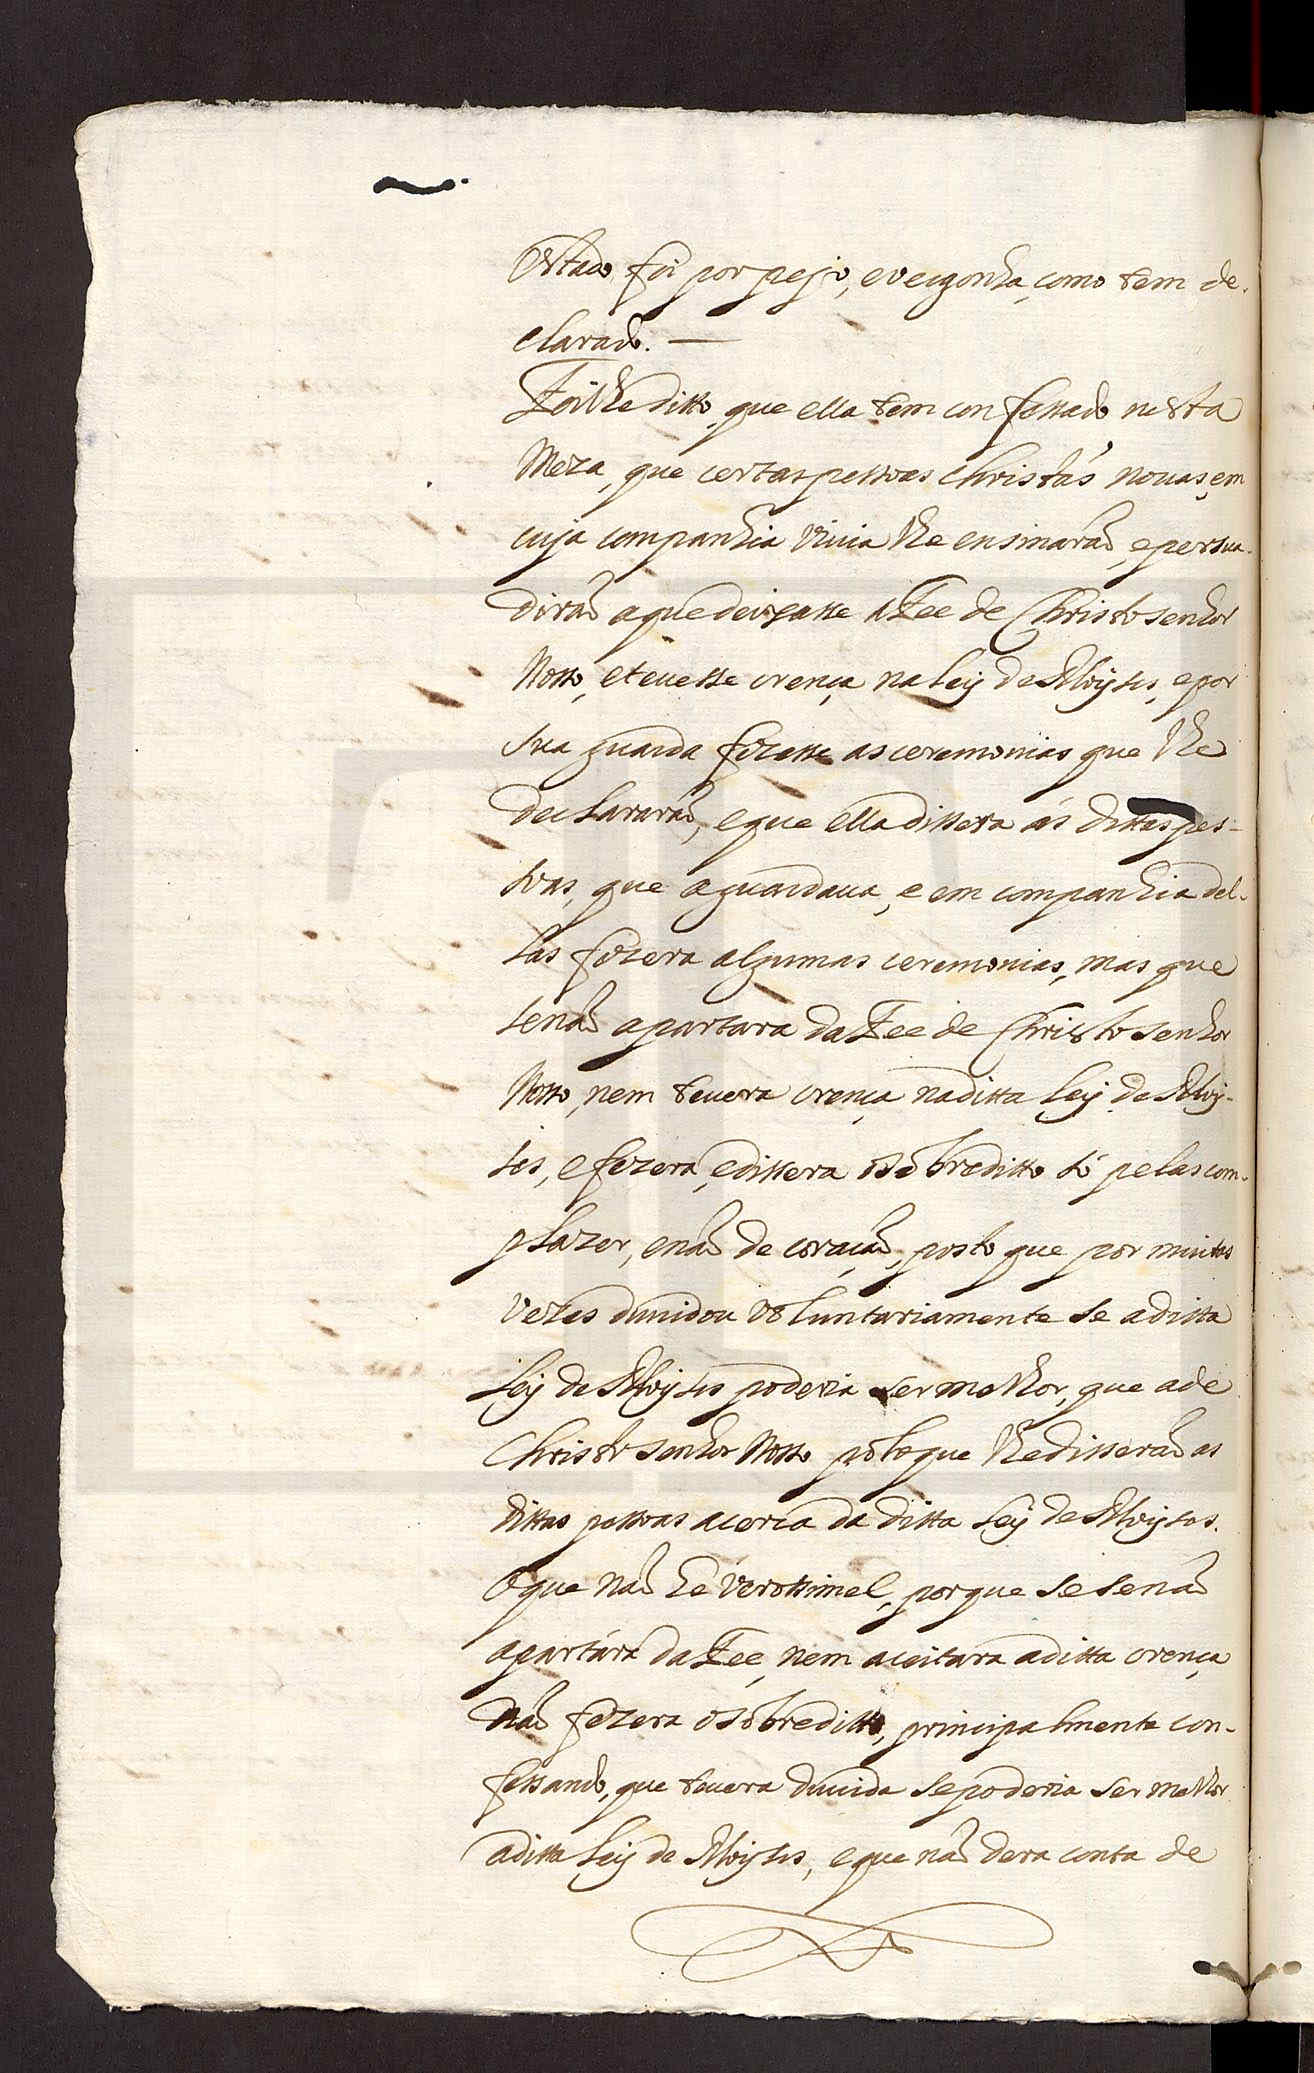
estado foi por pejo, e vergonha, como tem de
clarado.
Foi lhe ditto, que ella tem confessado nesta
Meza, que certas pessoas christãs nouas, em
cuja companhia viuia lhe ensinaraõ, e persua
diraõ a que deixasse a Fee de Christo senhor
Nosso, e teuesse crença na Ley de Moyses, e por
sua guarda fizesse as ceremonias que lhe
declararaõ, e que ella dissera ás dittas pes
soas, que a guardaua, e em companhia del
las fezera algumas ceremonias, mas que
se naõ apartara da Fee de Christo senhor
Nosso, nem teuera crença na ditta Ley de Moy
ses, e fezera, e dissera o sobreditto só pelas com
plazer, e naõ de coração, posto que por muitas
vezes duuidou voluntariamente se a ditta
Ley de Moyses, poderia ser melhor que a de
Christo senhor Nosso polo que lhe disseraõ as
dittas pessoas acerca da ditta Ley de Moyses.
O que não he verossimel, porque se se não
apartára da Fee, nem aceitara a ditta crença
naõ fezera o sobreditto, principalmente con
fessando, que teuera duuida se poderia ser melhor
a ditta Ley de Moyses, e que não dera conta de
